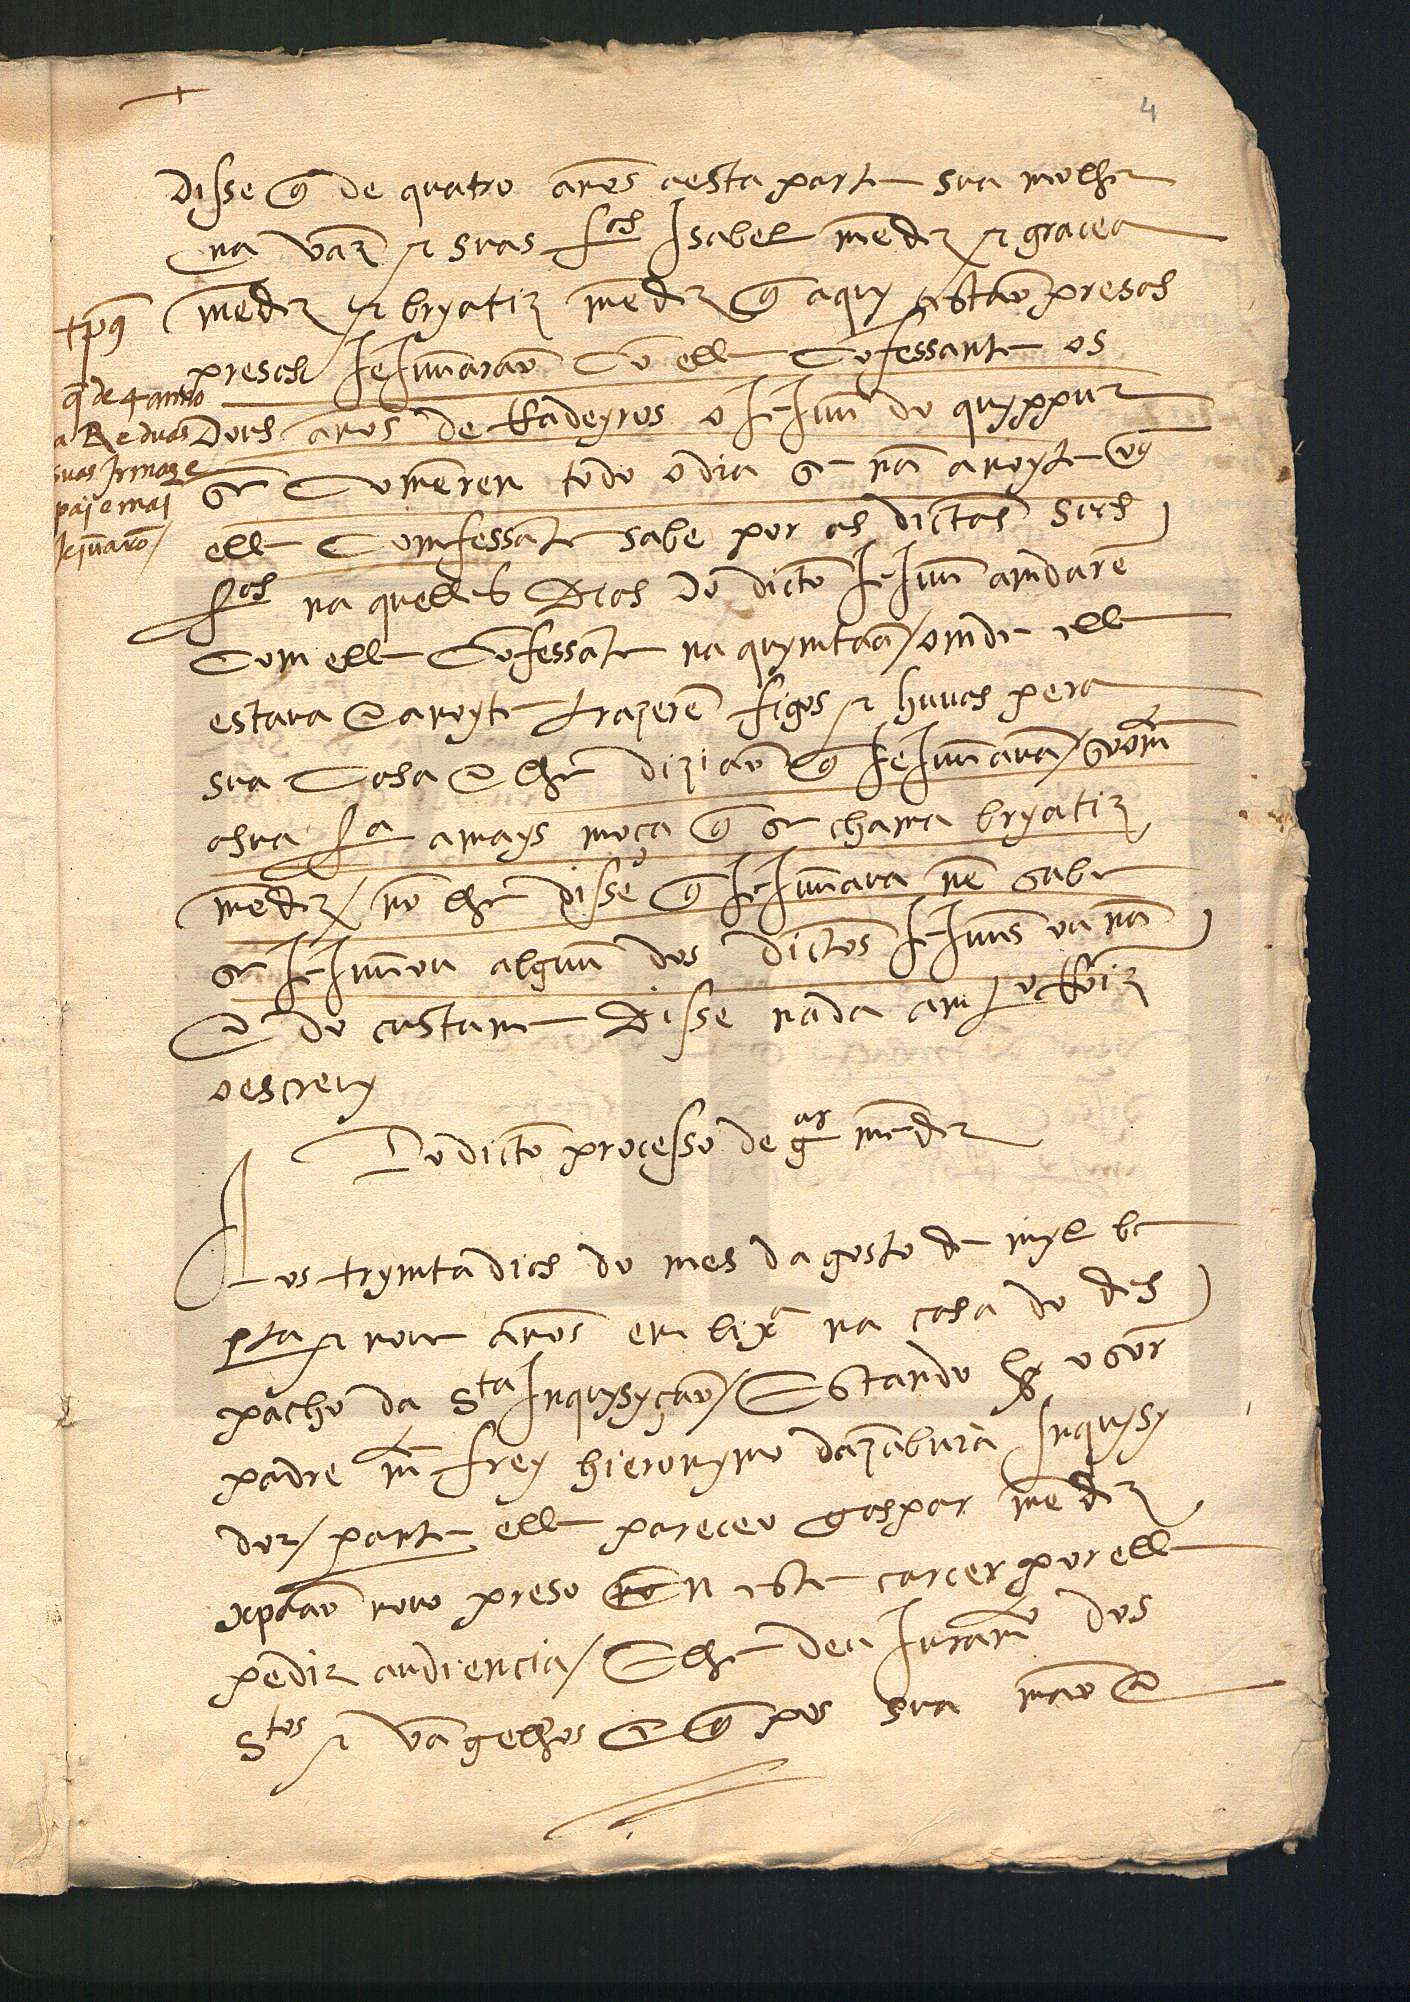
disse q̄ de quatro ānos aesta parte sua molher
Cna vāz e suas fas Jsabel m̄edez e gracea
m̄edez e bryatiz m̄edez q̄ aquy estão presas
presas JeJūuarão cō elle Cōfessante os
Dous ānos deRadeyros o JeJuū do quyppur
s̄e Com̄eren todo o dia sen̄a a noyte o q̄
elle Comfessāte sabe por as dic̄tas suas
fas naquelles Dias do dic̄to JeJūu amdarē
Com elle Cōfessāte na quyntaā / omde elle
estaua e a noyte trazerē figos e huuas pera
sua Casa e lhe dizião q̄ JeJūuaūa / soomte
a sua fa a mays moça q̄ se chama bryatiz
m̄edez / n̄o lhe disse q̄ JeJūuaua n̄e sabe
se JeJuūou alguū dos dīctos JeJuūs ou n̄a
e do custume Disse nada amto Rōiz
o escreuy
Do dict̄o processo de gar mēdez
Aos trymta dias do mes dagosto de myl bc
Lta e noue an̄os em lixa na casa do des
pacho da Sta Jnquysyção / Estando hy o sōr
padre mte frey hieronymo daz̄abuia Jnquysy
dor / ꝑante elle pareceo gaspar m̄edez
xpaão nouo preso En este carcer por elle
pedir audiencia / E lhe deu Juramto dos
Stos evāgelhos ē q̄ pos sua mão e
